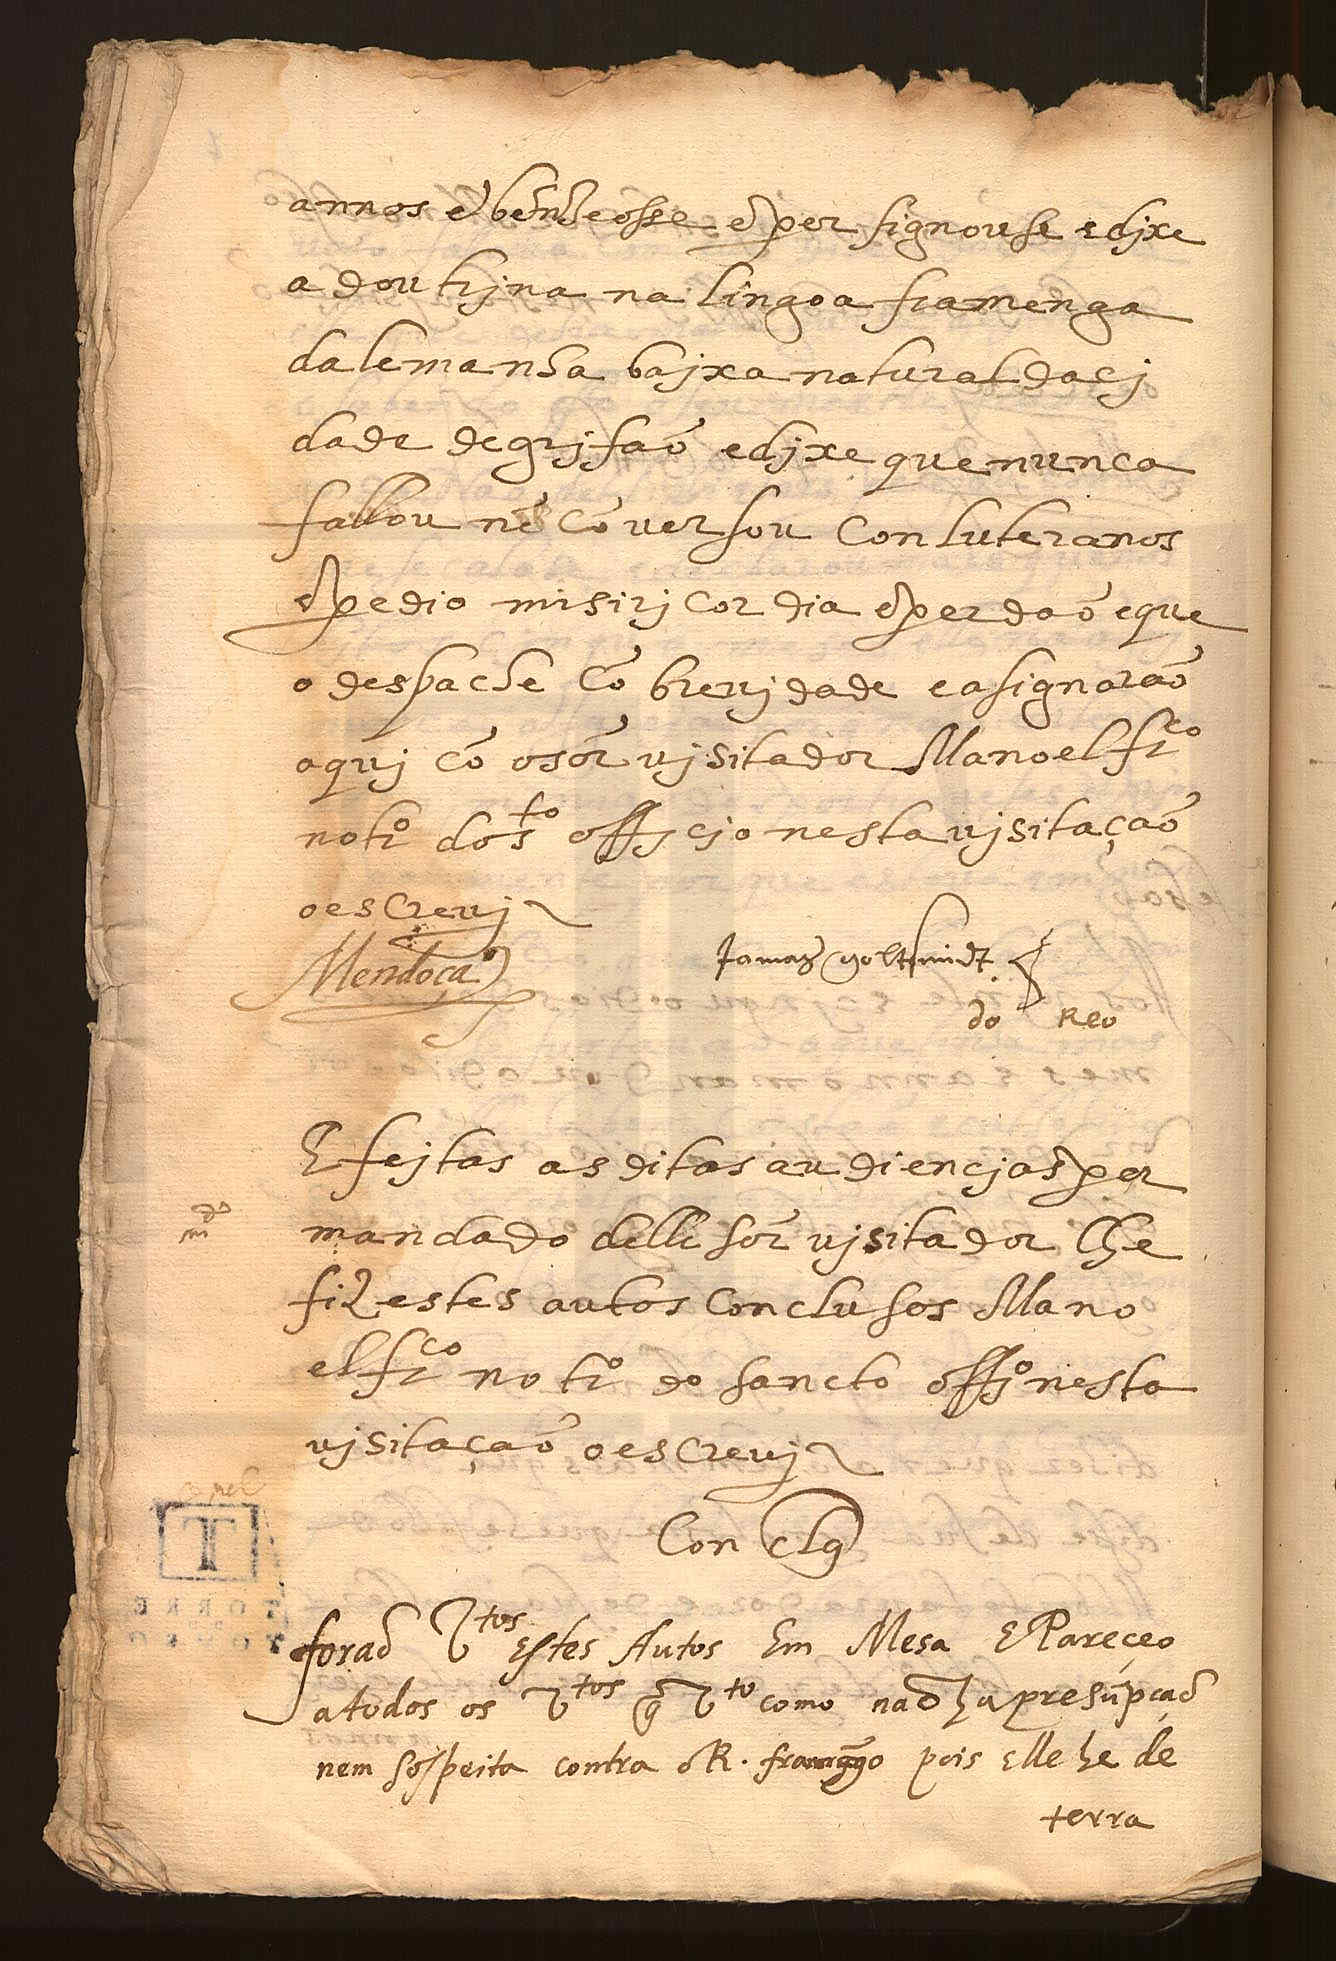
annos e benzeosse e persignouse E dixe
a doutrjna na lingoa framenga
dalemanha bajxa natural da cj
dade de grifaõ e djxe que nunca
fallou nē cōuersou con Luteranos
e pedio misirjcordia e perdaõ e que
o despache cō breujdade e asignarão
aquj cō o sor̄ ujsitador Manoel frco
notro do sto offjcjo nesta ujsitaçaõ
o escreuj
tomaz goltsmidt
Mendoça
do Reo
E fejtas as ditas audiencjas por
mandado delle sor̄ ujsitador lhe
fiz estes autos conclusos Mano
el frco notro do sancto offjo nesta
ujsitaçaõ o escreuj
Conc̄lꝯ
foraõ Vtos Estes Autos Em Mesa E Pareceo
a todos os Vtos q̄ Vto como naõ ha presūpçaõ
nem sospeita contra o R. framēgo pois Elle he de
terra
